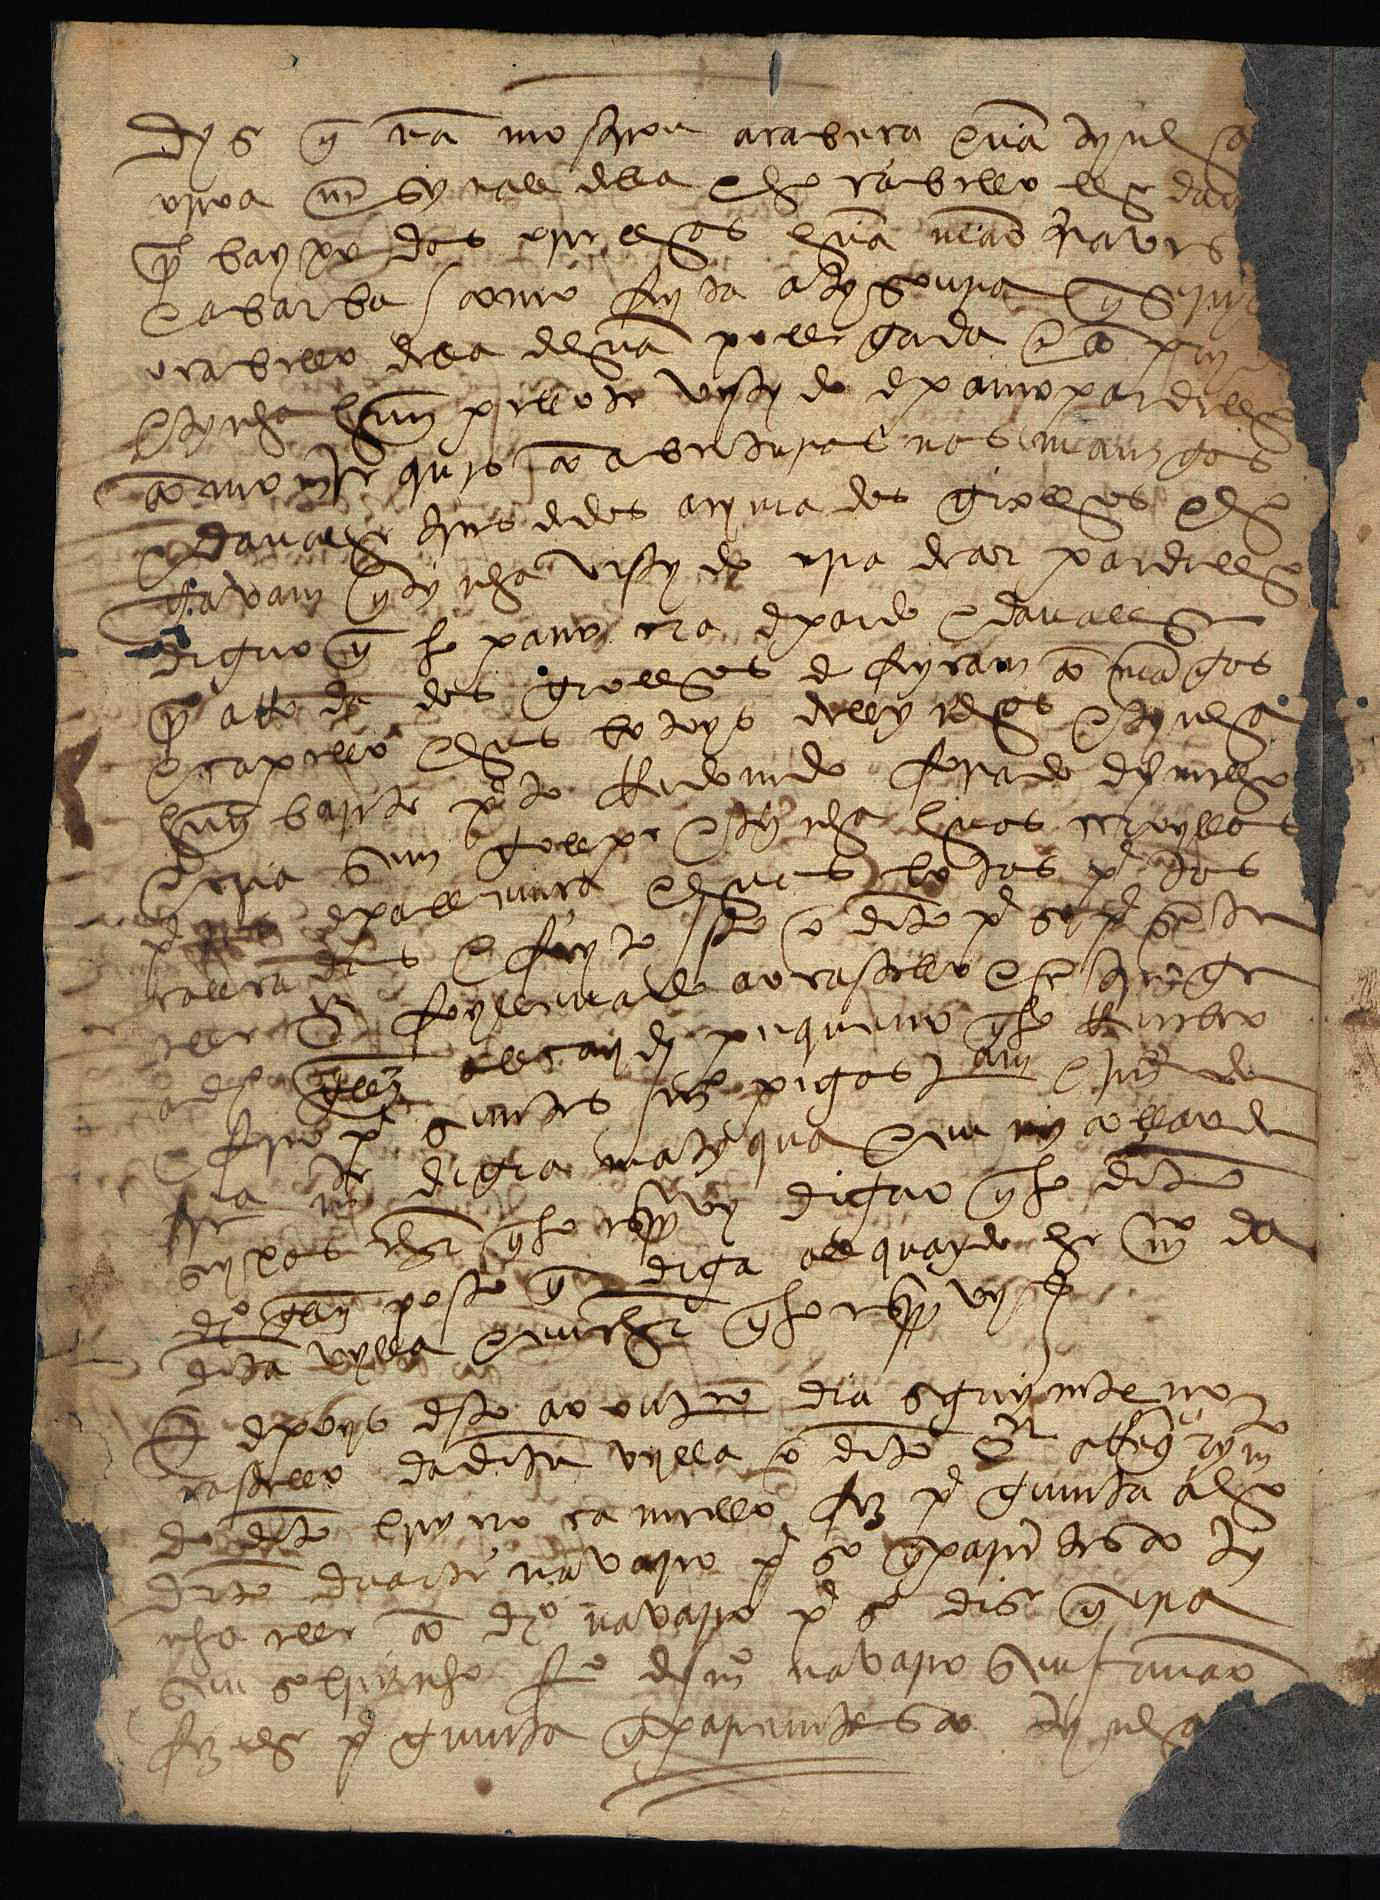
dyse q̄ n̄a mostrou a cabeça e n̄a tynha
coroa nē synall della e ho cabello lhe dau
p̄o bayxo das orelhas hūa mão traves
e a barba / como feyta a tysoura q̄ sery
o cabello della de hūa pollegada ē c̄opry
e tynha hūu pellote vistydo de panno pardilho
c̄omo enJequjs c̄o aberturas nas mamgas
e daualhe tres dedos acyma dos giolhos e ho
gavam q̄ tynha vistydo era de cor pardilho
diguo q̄ ho pano era de pardo e daualhe
p̄o a Roda dos giolhos de feyçam c̄o māgas
e capello e hos botoys de llynhas e tynha
hūu barete p̄to Redomdo forado de ꝟmelho
e era sem gollpe e tynha huas çeroyllas
p̄tas de pallemça e huas botas p̄tas
callcadas e feyto Jsto o dito p̄so p̄sēte
elle Cor foy lleuado ao castello e ētrege
a djo ḡllz allcayde pequeno q̄ ho Reçebeo
e foro p̄semtes Jmo pigas tam e Jmo de
frera mte de gramatyqua e eu nycollao de
seyxas c̄hr q̄ ho esp̄vy diguo q̄ ho dito
djo ḡllz posto q̄ diga allquayde he mro da
dita vylla e eu c̄hr q̄ ho esp̄vy
E depoys desto ao outro dia seguymte no
castello da dita vylla o dito Cor a Req̄rymto
do dito bryçio camello fez p̄gumta aho
dito duarte navaro p̄so q̄ parētesco ty
nha elle c̄o djo navaro p̄so dise q̄ era
seu sobrynho fo de Jmo navaro seu Jrmão
fez lhe p̄gumta q̄ paremtesco tynha
